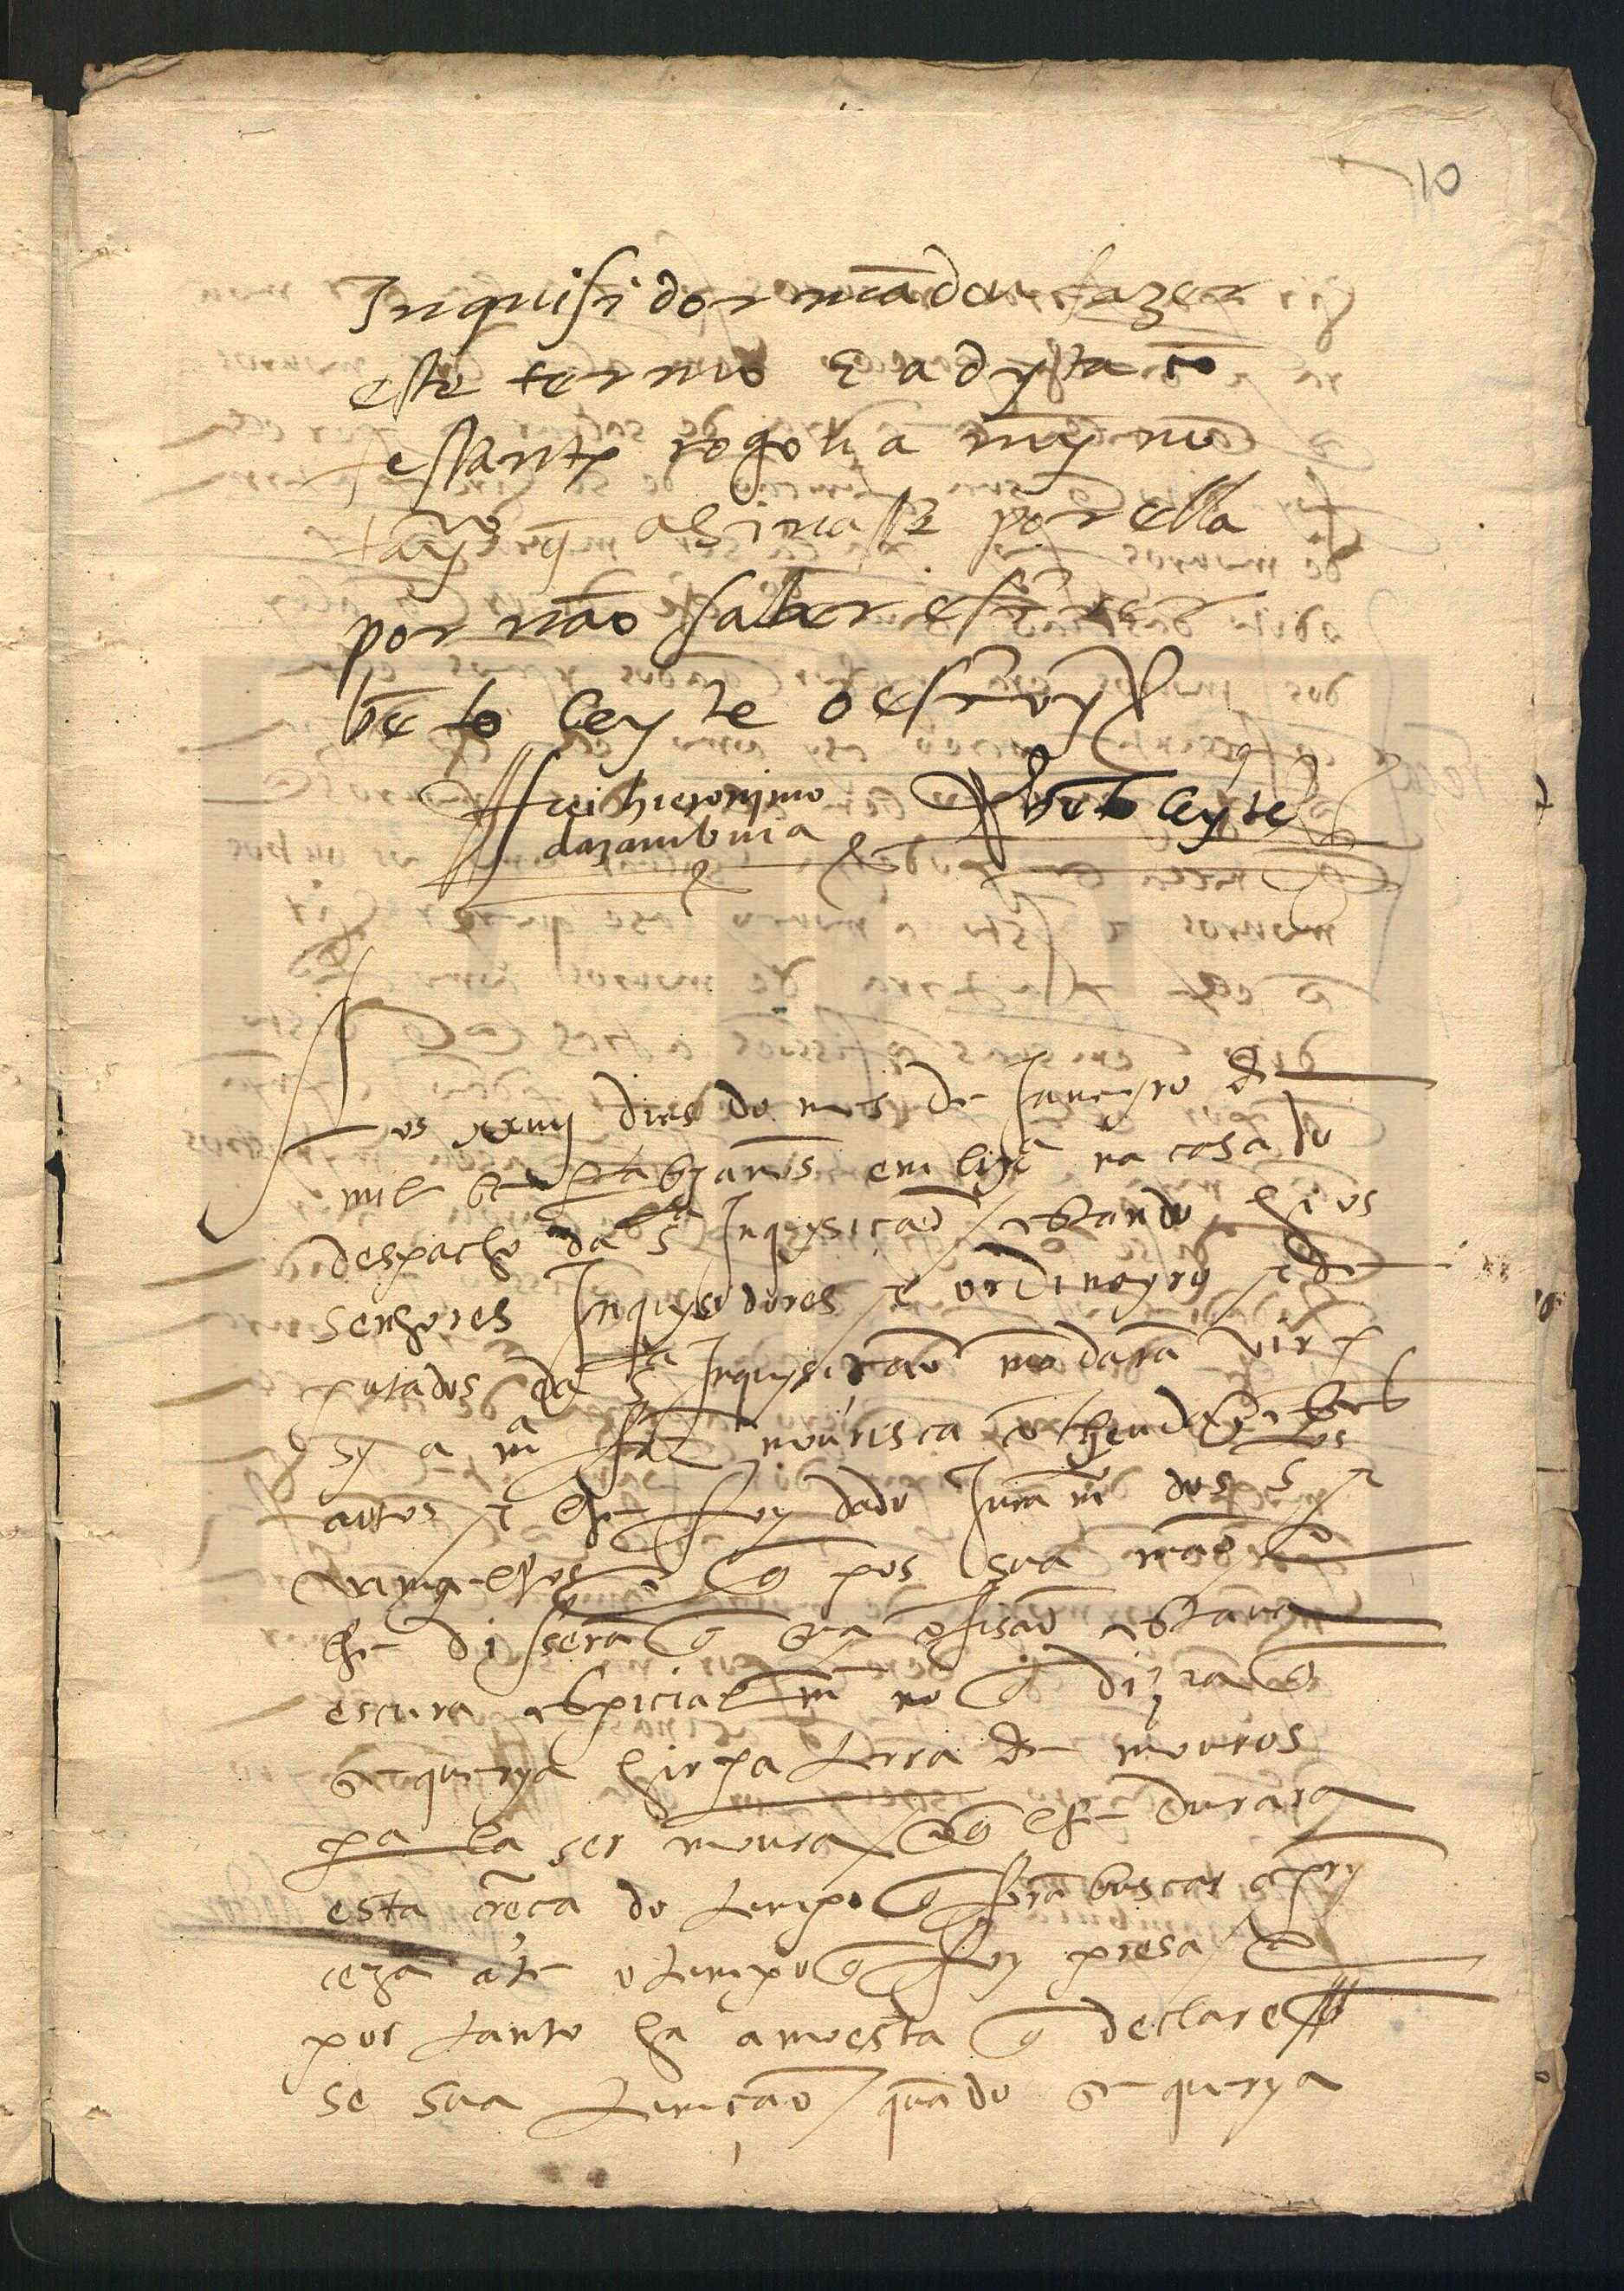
Inquisidor mādou fazer
este termo E a dyta cō
fessante rogou a mȳ no
tayro q̄ asinase por ella
por não saber esc̄ver
bēto leyte o esc̄vy
Aos xxiiij dias do mes de Janeyro de
mil bcLtabj an̄os em lixa na casa do
despacho da sta Jnquysição estando hi os
senhores Jnquysidores e ordinayro e de
putados da sta Jnquysição mādarā vyr ꝑ
sy a ma fr̄z mourisca cōtheuda ē estes
autos e lhe foy dado Juramto dos stos e
vamgelhos ē q̄ pos sua mão e
lhe disserā q̄ sua cōfisão estaua
escura espicialmente no q̄ dizia q̄
se querya hir ꝑa terra de mouros
ꝑa la ser moura e q̄ ese durara
esta crẽça do tempo q̄ forā buscar a prȳ
ceza ate o tempo q̄ foy presa e
portanto ha amoesta q̄ declare _
se sua temção q̄uado se querya
